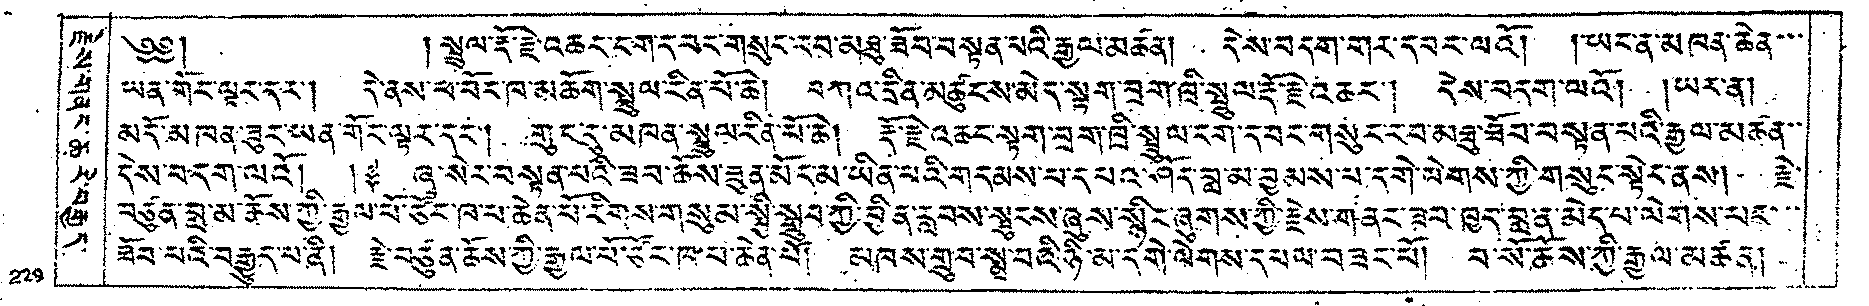༄༅། །སྤྲུལ་རྡོ་རྗེ་འཆང་ངག་དབང་གསུང་རབ་མཐུ་ཐོབ་བསྟན་པའི་རྒྱལ་མཚན། དེས་བདག་གར་དབང་ལའོ། །ཡང་ན་མཁན་ཆེན་
ཡན་གོང་ལྟར་དང་། དེ་ནས་ཕ་བོང་ཁ་མཆོག་སྤྲུལ་རིན་པོ་ཆེ། བཀའ་དྲིན་མཚུངས་མེད་སྟག་བྲག་ཁྲི་སྤྲུལ་རྡོ་རྗེ་འཆང་། དེས་བདག་ལའོ། །ཡང་ན།
མདོ་མཁན་ཟུར་ཡན་གོང་ལྟར་དང་། གུང་རུ་མཁན་སྤྲུལ་རིན་པོ་ཆེ། རྡོ་རྗེ་འཆང་སྟག་བྲག་ཁྲི་སྤྲུལ་ངག་དབང་གསུང་རབ་མཐུ་ཐོབ་བསྟན་པའི་རྒྱལ་མཚན་
དེས་བདག་ལའོ། །༈ ཞྭ་སེར་བསྟན་པའི་ཟབ་ཆོས་ཐུན་མོང་མ་ཡིན་པའི་གདམས་པ་དཔའ་ཤོད་བླ་མ་བྱམས་པ་དགེ་ལེགས་ཀྱི་གསུང་སྟེང་ནས། རྗེ་
བཙུན་བླ་མ་ཆོས་ཀྱི་རྒྱལ་པོ་ཙོང་ཁ་པ་ཆེན་པོ་རིགས་གསུམ་སྤྱི་སྒྲུབ་ཀྱི་བྱིན་རླབས་སྤུངས་ཞུས་སྙིང་ཞུགས་ཀྱི་རྗེས་གནང་ཟབ་ཁྱད་བླ་ན་མེད་པ་ལེགས་པར་
ཐོབ་པའི་བརྒྱུད་པ་ནི། རྗེ་བཙུན་ཆོས་ཀྱི་རྒྱལ་པོ་ཙོང་ཁ་པ་ཆེན་པོ། མཁས་གྲུབ་སྨྲ་བའི་ཉི་མ་དགེ་ལེགས་དཔལ་བཟང་པོ། བ་སོ་ཆོས་ཀྱི་རྒྱལ་མཚན།